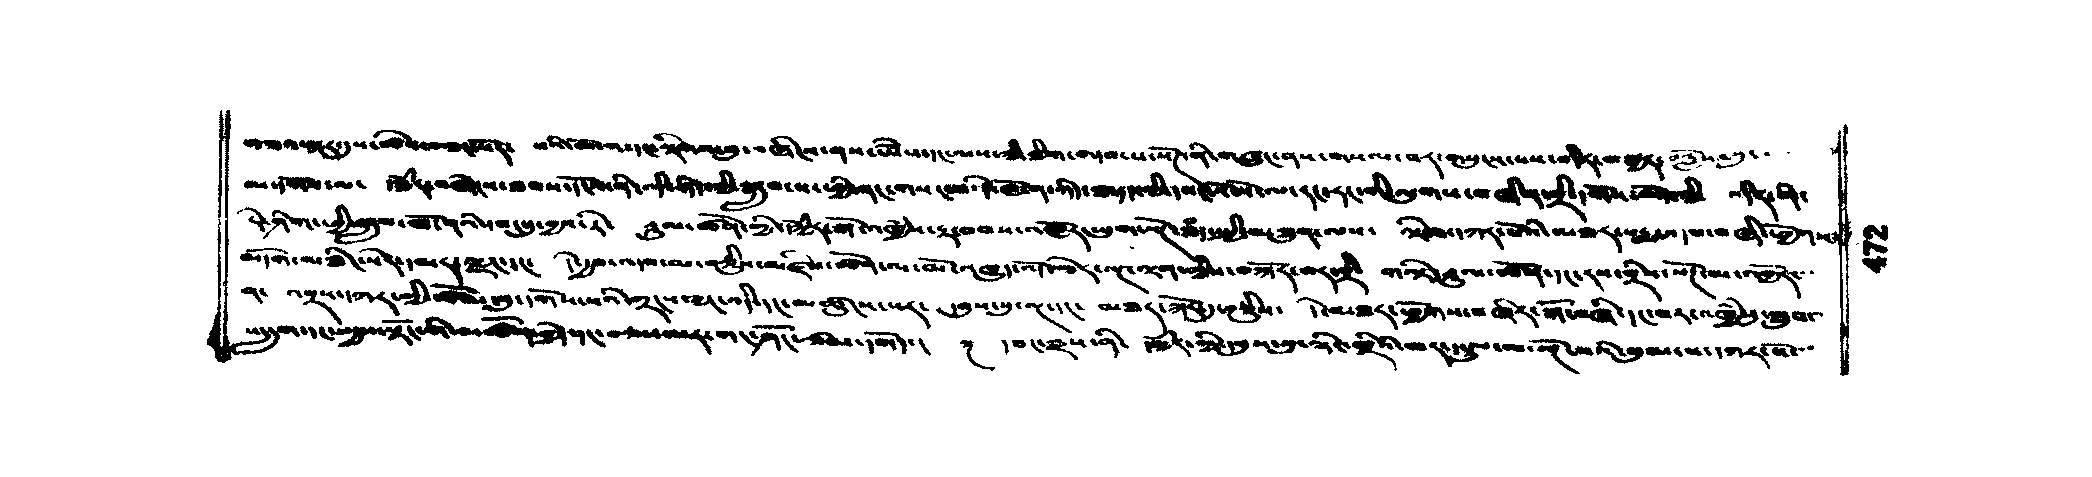གཟའ་སྐར་དུས་ཆེས་བཟང་པོར། སའི་ཆོ་ག་དང་སྟེགས་བུ་བཞེངས་ནས་ཡེ་ཤེས་དང་ལས་ཀྱི་ཐིག་གདབ་པ་སོགས་ནི་གཞུང་ནས་གསལ་བར་གསུངས་པས་འདིར་བསྐྱར་བཟློས་སུ་
མ་དགོས་ལ། དཀྱིལ་འཁོར་བཞེངས་ཐབས་དངོས་ནི་འདི་ཉིད་ཀྱི་སྒྲུབ་པ་ཕྱི་ནང་གསང་བ་དེ་ཁོ་ན་ཉིད་ཐ་དད་ཀྱི་དབང་སོ་སོ་ལ་རང་རང་གི་ལུགས་བཞིན་བྲི་དགོས་མོད་ཀྱི།འདིར་ནི་
རེ་ཞིག་ཕྱི་སྒྲུབ་ཁོ་ནའི་དབང་དུ་བྱས་ཏེ་རྡུལ་ཚོན་གྱི་དཀྱིལ་འཁོར་སྒོ་འཁྱམས་རྟ་བབས་འཁོར་ཡུག་སོགས་ཐམས་ཅད་སྤྱི་མཐུན་ལས། ལྟེ་བ་དཀར་པོའི་མཐར་པདྨ་འདབ་བཞི་ཕྱོགས་
མདོག་མཐིང་སེར་དམར་ལྗང་དང་། དེ་རྒྱབ་འདབ་མ་བཅུ་གཉིས་མཛེས་ཚོན་མུ་འཁྱུད་འོད་ཟེར་ལྔ་ལྡན་གྱིས་བསྐོར་བར་བྲི། གལ་ཏེ་རྡུལ་ཚོན་དང་རས་བྲིས་སོགས་མ་འབྱོར་
ན་འབྲས་དཀར་གྱི་ཚོམ་བུ་དགོས་པའི་གྲངས་ཀྱང་འདི་དང་མཚུངས་པར་དབུས་སུ་ལྔ་དང་། མཐའ་སྐོར་དུ་བཅུ་གཉིས། དེ་མཐར་ཕྱོགས་བཞིར་སྒོ་བཞི་དང་བར་འཁྱམས་ཐུབ་
པ་དྲུག་དང་སངས་རྒྱས་སྟོང་གི་མཚོན་བྱེད་དང་བཅས་པར་གང་ཤོང་ཙམ་འགོད། དབང་རྫས་ནི་དཀྱིལ་འཁོར་གྱི་དབུས་སུ་ལྡིང་ཁྲིའི་ཁར་དངུལ་ལ་སོགས་པའི་བུམ་པ་དཀར་པོ་